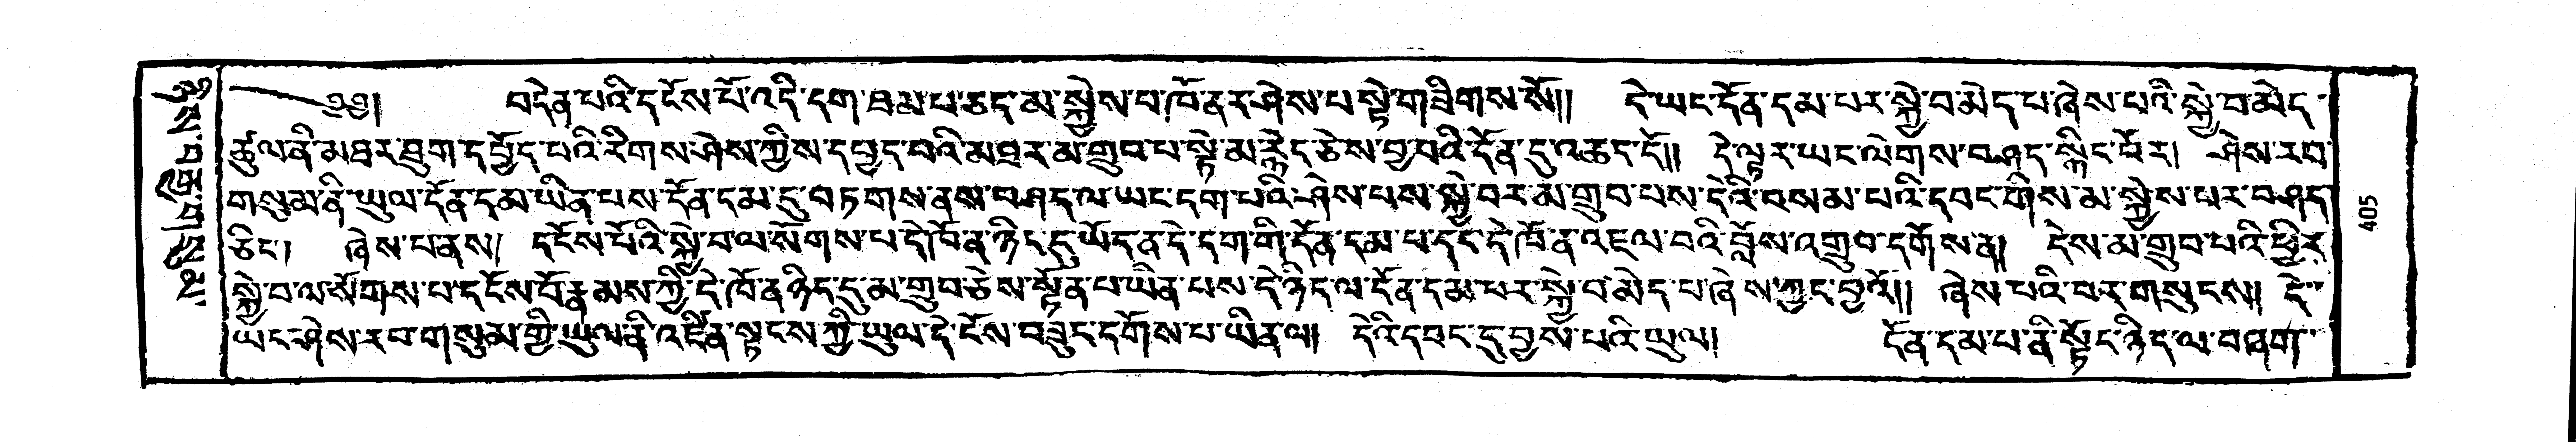༄༅། །བདེན་པའི་དངོས་པོ་འདི་དག་ཐམ་པ་ཅད་མ་སྐྱེས་པ་ཁོ་ནར་ཤེས་པ་སྟེ་གཟིགས་སོ། །དེ་ཡང་དོན་དམ་པར་སྐྱེ་བ་མེད་པ་ཞེས་པའི་སྐྱེ་བ་མེད་
ཚུལ་ནི་མཐར་ཐུག་དཔྱོད་པའི་རིགས་ཤེས་ཀྱིས་དཔྱད་པའི་མཐར་མ་གྲུབ་པ་སྟེ་མ་རྙེད་ཅེས་བྱ་བའི་དོན་དུ་འཆད་དོ། །དེ་ལྟར་ཡང་ལེགས་བཤད་སྙིང་པོར། ཤེས་རབ་
གསུམ་ནི་ཡུལ་དོན་དམ་ཡིན་པས་དོན་དམ་དུ་བཏགས་ནས་བཤད་ལ་ཡང་དག་པའི་ཤེས་པས་སྐྱེ་བར་མ་གྲུབ་པས་དེའི་བསམ་པའི་དབང་གིས་མ་སྐྱེས་པར་བཤད་
ཅིང་། ཞེས་པ་ནས། དངོས་པོའི་སྐྱེ་བ་ལ་སོགས་པ་དེ་ཁོ་ན་ཉིད་དུ་ཡོད་ན་དེ་དག་གི་དོན་དམ་པ་དང་དེ་ཁོ་ན་འཇལ་བའི་བློས་འགྲུབ་དགོས་ནི། དེས་མ་གྲུབ་པའི་ཕྱིར་
སྐྱེ་བ་ལ་སོགས་པ་དངོས་པོ་རྣམས་ཀྱི་དེ་ཁོ་ན་ཉིད་དུ་མ་གྲུབ་ཅེས་སྟོན་པ་ཡིན་པས་དེ་ཉིད་ལ་དོན་དམ་པར་སྐྱེ་བ་མེད་པ་ཞེས་ཀྱང་བྱའོ། །ཞེས་པའི་བར་གསུངས། དེ་
ཡང་ཤེས་རབ་གསུམ་གྱི་ཡུལ་ནི་འཛིན་སྟངས་ཀྱི་ཡུལ་དེ་ངོས་བཟུང་དགོས་པ་ཡིན་ལ། དེའི་དབང་དུ་བྱས་པའི་ཡུལ། དོན་དམ་པ་ནི་སྟོང་ཉིད་ལ་བཞག་